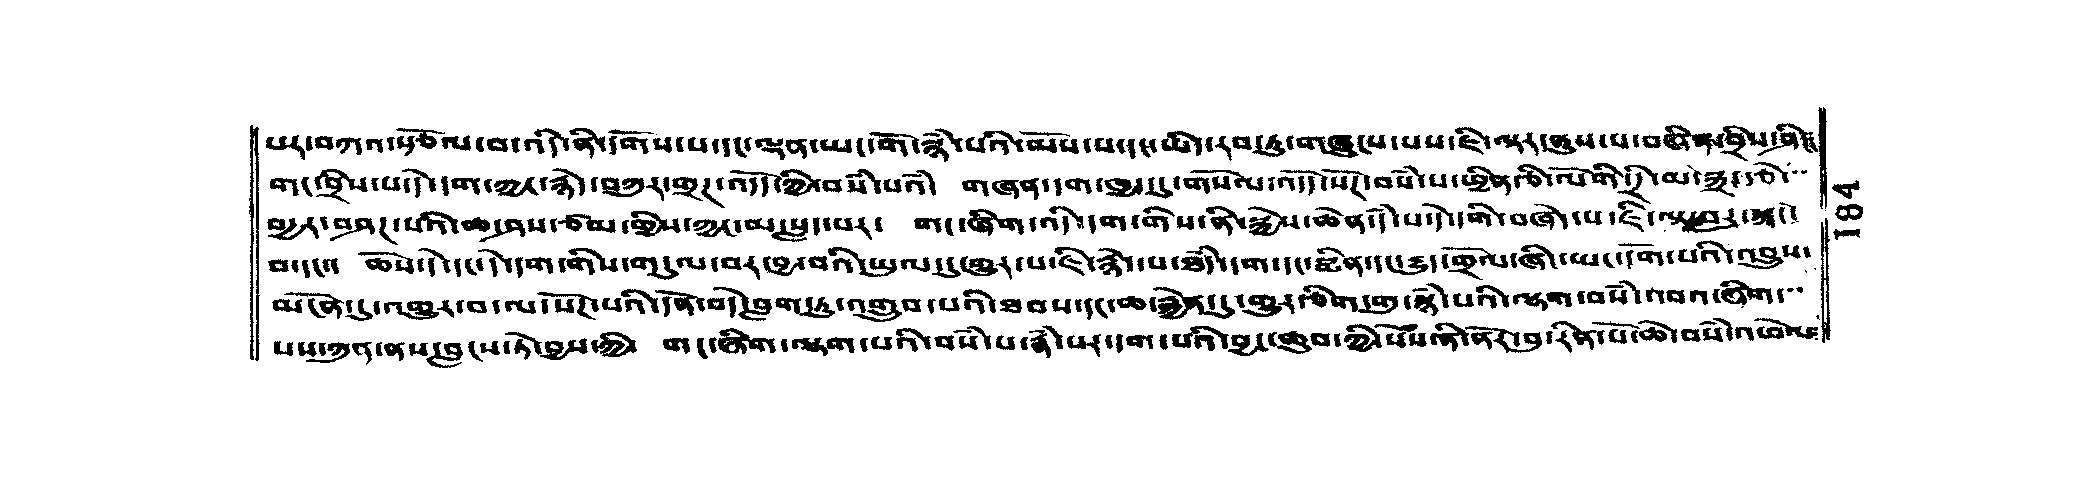པར་བཀའ་སྩོལ་བ་འདི་ནི་དགོས་པ་དང་ལྡན་ཡང་ངོ་སྙམ་པའི་མོས་པ་དག་ཡིད་རབ་ཏུ་གཞུངས་པས་ཇི་ལྟར་ནུས་པ་བཞིན་བྲིས་ཤིང་། 
གང་བྲིས་པ་དེ་དག་ཀྱང་རྙེད་བཀུར་གྲགས་འདོད་ཀྱི་བསམ་པའམ། གཞན་དག་ཁྱད་དུ་གསོད་འདོད་སོགས་བསམ་པ་ཕྱིན་ཅི་ལོག་གི་དྲི་མ་སྐྲ་རྩེ་
བརྒྱར་བཤགས་པའི་ཆ་ཤས་ཙམ་གྱིས་ཀྱང་མ་སླད་པར། གང་ཞིག་འདི་དག་གིས་ནི་སྐྱེས་ཆེན་དམ་པ་དེ་དག་གི་བཞེད་པ་ཇི་ལྟ་བུར་སྐོང་
བ་དང་། ཆོས་དེ་དང་དེ་དག་གིས་གདུལ་བར་བྱ་བའི་ཡུལ་དུ་གྱུར་པ་ཇི་རྙེད་པ་ཐམས་ཅད་དག་དང་སྨིན་དང་རྒྱུད་གྲོལ་ཞིང་ཡང་དག་པའི་འབྲས་བུ་
མངོན་དུ་འགྱུར་བ་ལ་སོགས་པའི་དོན་བདེ་བླག་ཏུ་འགྲུབ་པའི་ཐབས་དང་ཆ་རྐྱེན་དུ་གྱུར་ཅིག་གུ་སྙམ་པའི་ལྷག་བསམ་འབའ་ཞིག་
པས་ཀུན་ནས་བླངས་ཏེ་བྱས་ཀྱི་གང་ཞིག་ལྷག་པའི་བསམ་པ་རྣམ་པར་དག་པའི་བྱང་ཆུབ་ཀྱི་སེམས་ནི་ནོར་བུ་རིན་པོ་ཆེ་བསམ་འཕེལ་